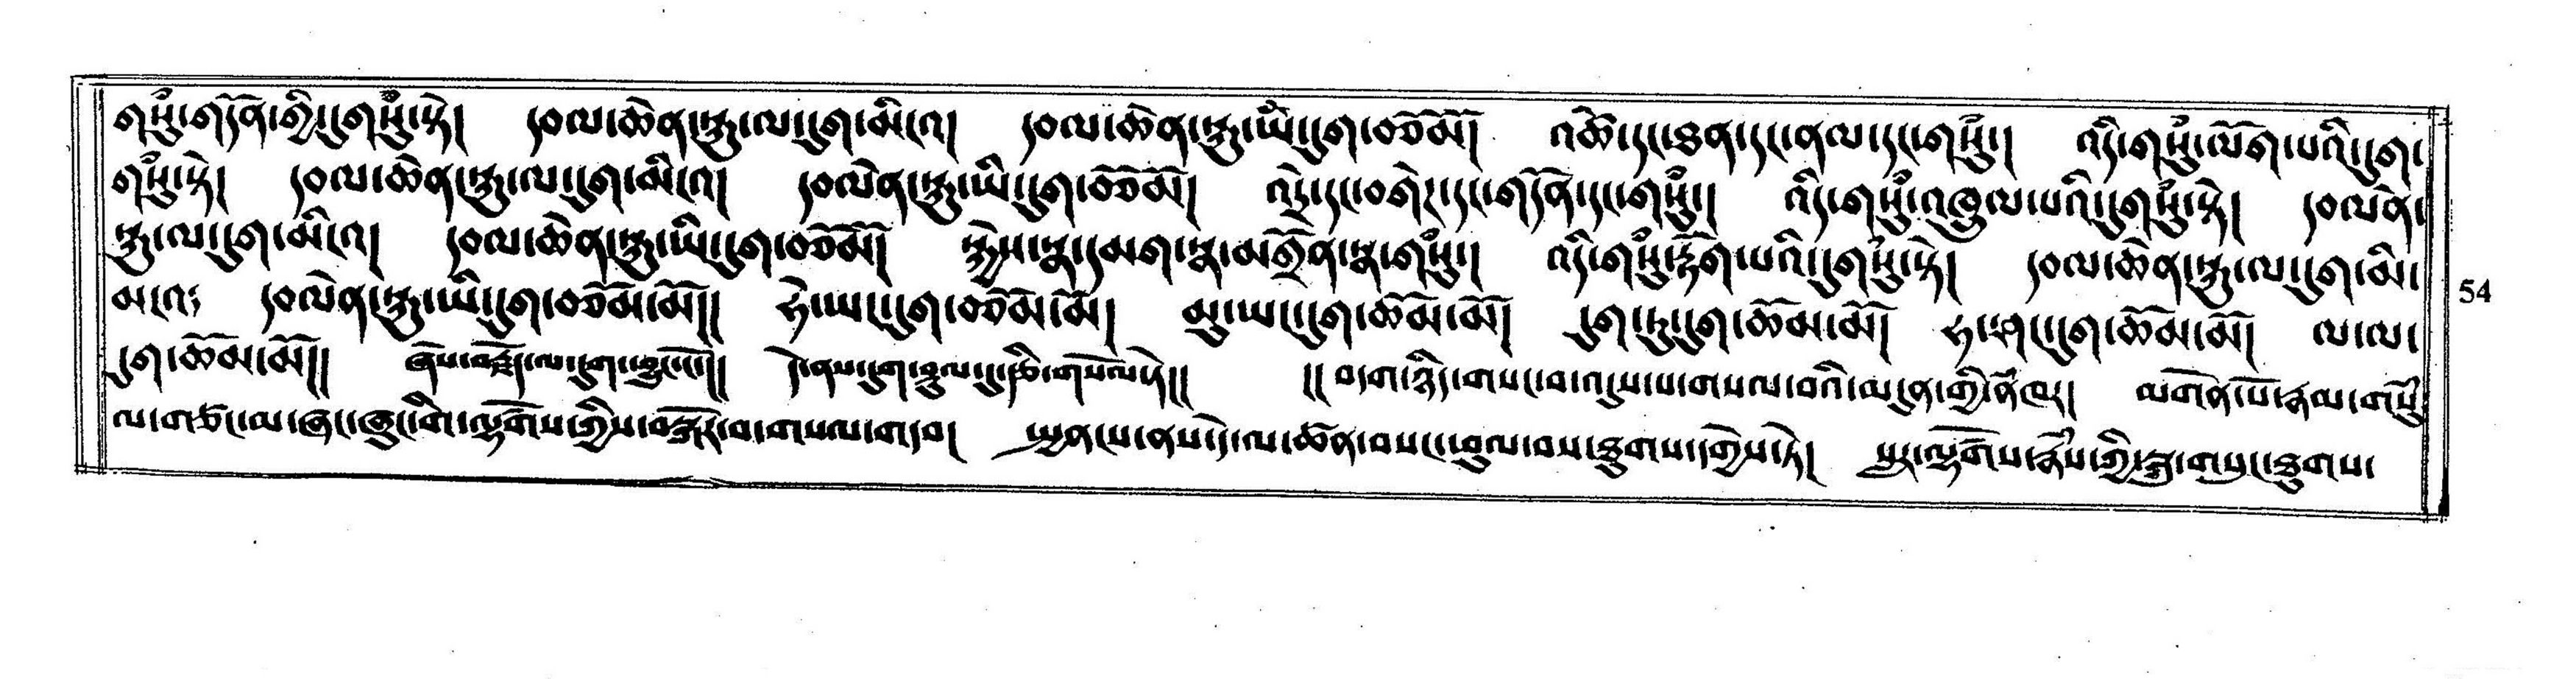གསུམ་གདོན་གྱི་དུག་གསུམ་སྟེ། དབལ་ཆེན་སྐུ་ལ་དུག་མི་མངའ། དབལ་ཆེན་སྐུ་ཡི་དུག་བཅོམ་མོ། འཚེ་དང་ཐན་དང་ནལ་དང་གསུམ། འདི་གསུམ་ལོག་པའི་དུག་
གསུམ་སྟེ། དབལ་ཆེན་སྐུ་ལ་དུག་མི་མངའ། དབལ་ཆེན་སྐུ་ཡི་དུག་བཅོམ་མོ། འདྲེ་དང་བགེགས་དང་གདོན་དང་གསུམ། འདི་གསུམ་འཁྲུལ་པའི་དུག་གསུམ་སྟེ། དབལ་ཆེན་
སྐུ་ལ་དུག་མི་མངའ། དབལ་ཆེན་སྐུ་ཡི་དུག་བཅོམ་མོ། སྐྱེས་སྣ་དམག་སྣ་མགྲོན་སྣ་གསུམ། འདི་གསུམ་རྟོག་པའི་དུག་གསུམ་སྟེ། དབལ་ཆེན་སྐུ་ལ་དུག་མི་
མངའ། དབལ་ཆེན་སྐུ་ཡི་དུག་བཅོམ་མོ།། ཧེ་ཡང་དུག་བཅོམ་མོ། མུ་ཡང་དུག་ཆོམ་མོ། དུག་ཏུ་དུག་ཆོམ་མོ། ཧ་ཤང་དུག་ཆོམ་མོ། ལ་ལ་
དུག་ཆོམ་མོ།། ཞེས་བརྗོད་ལ་དུག་ཕྱུང་ངོ་།། དེ་ནས་དུག་ཤུལ་དུ་རྩི་གསོལ་ཏེ།། །།བདག་ཉིད་གསང་བ་འདུས་པ་གསལ་བའི་མདུན་གྱི་ནམ་མཁར། མགོན་པོ་རྣམ་གསུམ་
ལ་གཙང་མ་ཞང་ཞུང་གི་ལྷ་ཚོགས་ཀྱིས་བསྐོར་བ་གསལ་གདབ། སྤྱན་དྲངས་ནས་དེ་ལ་ཚན་བསང་ཕུལ་བས་ཐུགས་དགྱེས་ཏེ། སླར་ལྷ་ཚོགས་རྣམས་ཀྱི་སྐུ་གསུང་ཐུགས་